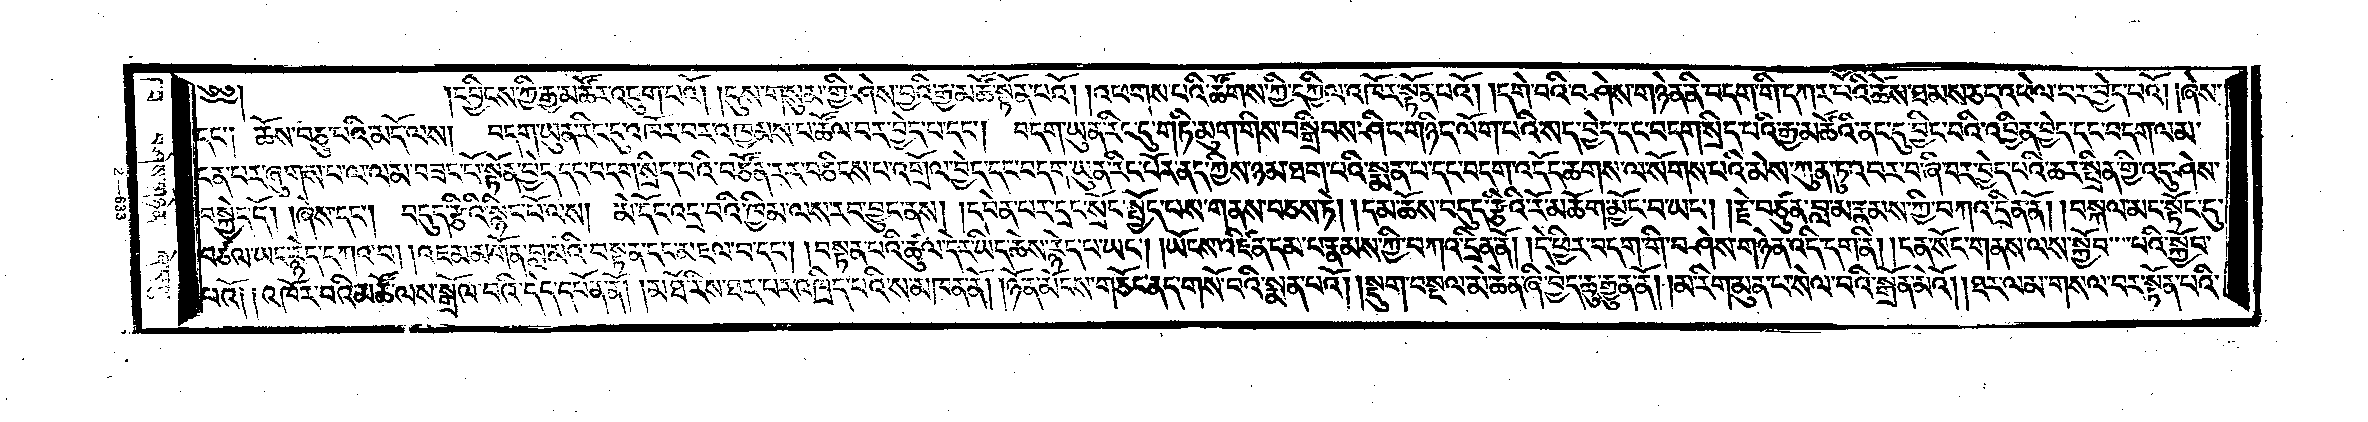༄༅། །དབྱིངས་ཀྱི་རྒྱ་མཚོར་འཇུག་པའོ། །དུས་གསུམ་གྱི་ཤེས་བྱའི་རྒྱ་མཚོ་སྟོན་པའོ། །འཕགས་པའི་ཚོགས་ཀྱི་དཀྱིལ་འཁོར་སྟོན་པའོ། །དགེ་བའི་བཤེས་གཉེན་ནི་བདག་གི་དཀར་པོའི་ཆོས་ཐམས་ཅད་འཕེལ་བར་བྱེད་པའོ། །ཞེས་
དང༑ ཆོས་བཅུ་པའི་མདོ་ལས། བདག་ཡུན་རིང་དུ་འཁོར་བར་འཁྱམས་པ་ཚོལ་བར་བྱེད་པ་དང་། བདག་ཡུན་རིང་དུ་གཏི་མུག་གིས་བསྒྲིབས་ཤིང་གཉིད་ལོག་པའི་སད་བྱེད་དང་བདག་སྲིད་པའི་རྒྱ་མཚོའི་ནང་དུ་བྱིང་བའི་འབྱིན་བྱེད་དང་བདག་ལམ་
ངན་པར་ཞུགས་པ་ལ་ལམ་བཟང་པོ་སྟོན་བྱེད་དང་བདག་སྲིད་པའི་བརྩོན་རར་བཅིངས་པ་འགྲོལ་བྱེད་དང་བདག་ཡུན་རིང་པོར་ནད་ཀྱིས་ཉམ་ཐག་པའི་སྨན་པ་དང་བདག་འདོད་ཆགས་ལ་སོགས་པའི་མེས་ཀུན་ཏུ་འབར་བ་ཞི་བར་བྱེད་པའི་ཆར་སྤྲིན་གྱི་འདུ་ཤེས་
བསྐྱེད་དོ། །ཞེས་དང་། བདུད་རྩིའི་སྙིང་པོ་ལས། མེ་དོང་འདྲ་བའི་ཁྱིམ་ལས་རབ་བྱུང་ནས། །དབེན་པར་དྲང་སྲོང་སྤྱོད་པས་གནས་བཅས་ཏེ། །དམ་ཆོས་བདུད་རྩིའི་རོ་མཆོག་མྱོང་བ་ཡང་། །རྗེ་བཙུན་བླ་མ་རྣམས་ཀྱི་བཀའ་དྲིན་ནོ། །བསྐལ་མང་སྟོང་དུ་
བཙལ་ཡང་རྙེད་དཀའ་བ། །འཇམ་མགོན་བླ་མའི་བསྟན་དང་མཇལ་བ་དང་། །བསྟན་པའི་ཚུལ་དེར་ཡིད་ཆེས་རྙེད་པ་ཡང་། །ཡོངས་འཛིན་དམ་པ་རྣམས་ཀྱི་བཀའ་དྲིན་ནོ། །དེ་ཕྱིར་བདག་གི་བཤེས་གཉེན་འདི་དག་ནི། །ངན་སོང་གནས་ལས་སྐྱོབ་པའི་སྐྱོབ་
པའོ༑ ༑འཁོར་བའི་མཚོ་ལས་སྒྲོལ་བའི་དེད་དབོན་ནོ། །མཐོ་རིས་ཐར་པར་འཁྲིད་པའི་ས་མཁན་ནོ། །ཉོན་མོངས་གཅོང་ནད་གསོ་བའི་སྨན་པའོ། །སྡུག་བསྔལ་མེ་ཆེན་ཞི་བྱེད་ཆུ་རྒྱུན་ནོ། །མ་རིག་མུན་པ་སེལ་བའི་སྒྲོན་མེའོ། །ཐར་ལམ་གསལ་བར་སྟོན་པའི་